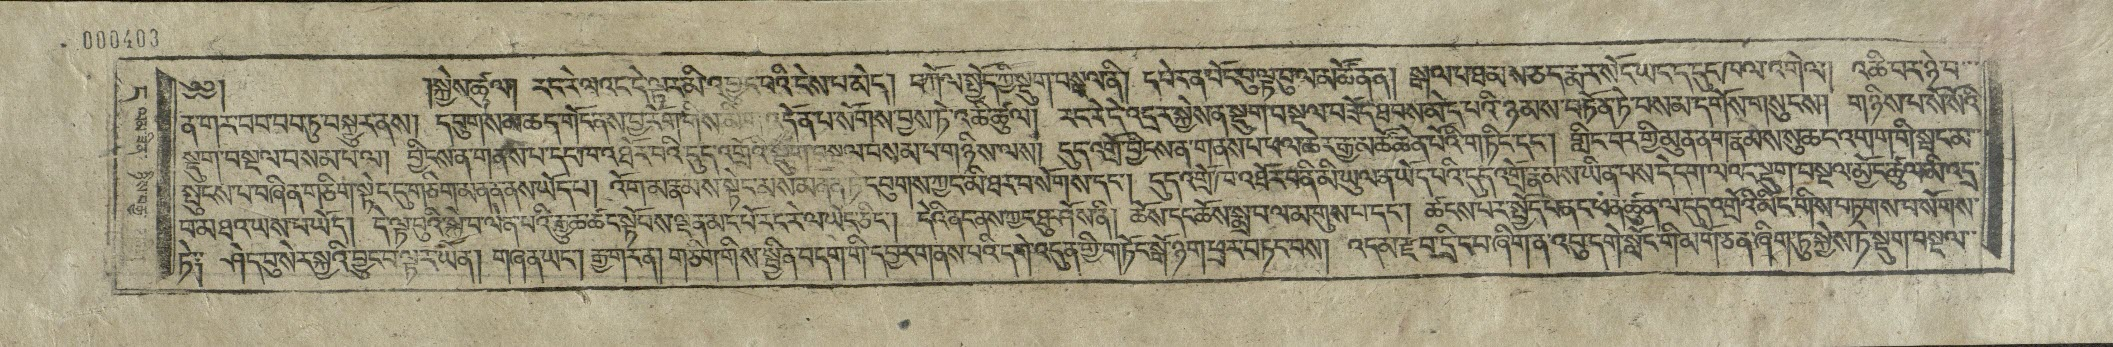༄༅། །སྐྱེས་ཚུལ། རང་རེ་ལའང་དེ་ལྟར་མི་འབྱུང་བའི་ངེས་པ་མེད། བཀོལ་སྤྱོད་ཀྱི་སྡུག་བསྔལ་ནི། དཔེར་ན་བོང་ལྟ་བུ་ལ་མཚོན་ན། སྒལ་པ་ཐམས་ཅད་རྨར་སོང་ཡང་ད་དུང་ཁལ་འགེལ། འཆི་བར་ཉེ་བ་
ན་གར་བབ་བབ་ཏུ་བསྐྱུར་ནས། དབུགས་མ་ཆད་གོང་ནས་བྱ་རོག་གིས་མིག་འདོན་པ་སོགས་བྱས་ཏེ་འཆི་ཚུལ། རང་རེ་དེ་འདྲར་སྐྱེས་ན་སྡུག་བསྔལ་བཟོད་ཐབས་མེད་པའི་ཉམས་བཏོན་ཏེ་བསམ་དགོས་གསུངས། གཉིས་པ་སོ་སོའི་
སྡུག་བསྔལ་བསམ་པ་ལ། བྱིངས་ན་གནས་པ་དང་ཁ་འཐོར་བའི་དུད་འགྲོའི་སྡུག་བསྔལ་བསམ་པ་གཉིས་ལས། དུད་འགྲོ་བྱིངས་ན་གནས་པ་ཕལ་ཆེར་རྒྱ་མཚོ་ཆེན་པོའི་གཏིང་དང་། གླིང་བར་གྱི་མུན་ནག་རྣམས་སུ་ཆང་འགག་གི་སྦང་མ་
སྤུངས་པ་བཞིན་གཅིག་སྟེང་དུ་གཅིག་མནན་ནས་ཡོད་པ། འོག་མ་རྣམས་སྟེང་མས་མནན་ཏེ་དབུགས་ཀྱང་མི་ཐར་བ་སོགས་དང་། དུད་འགྲོ་ཁ་འཐོར་བ་ནི་མི་ཡུལ་ན་ཡོད་པའི་དུད་འགྲོ་རྣམས་ཡིན་པས་དེ་དག་ལའང་སྡུག་བསྔལ་མྱོང་ཚུལ་མི་འདྲ་
བ་མཐའ་ཡས་པ་ཡོད། དེ་ལྟ་བུའི་སྐྱེ་བ་ལེན་པའི་རྒྱུ་ཆ་ཚང་སྟོབས་ལྡན་མང་པོ་རང་རེ་ལ་ཡོད་ཅིང་། དེའི་ནང་ནས་ཀྱང་ཐུ་ཤོས་ནི། ཆོས་དང་ཆོས་སྨྲ་བ་ལ་མ་གུས་པ་དང་། ཚངས་པར་སྤྱོད་པ་ནང་ཕན་ཚུན་ལ་དུད་འགྲོའི་མིང་གིས་བཏགས་པ་སོགས་
ཏེ༑ ཤེད་བུ་སེར་སྐྱའི་བྱུང་བ་ལྟར་ཡིན། གཞན་ཡང་། རྒྱ་གར་ན། གཅིག་གིས་སྦྱིན་བདག་གི་དབྱར་གནས་པའི་དགེ་འདུན་གྱི་གཏོང་སྒོ་ཉག་ཕྲར་བཏང་བས། འདམ་རྫབ་དྲིང་བ་ཞིག་ན་འབུ་དགེ་སློང་གི་མགོ་ཅན་ཞིག་ཏུ་སྐྱེས་ཏེ་སྡུག་བསྔལ་